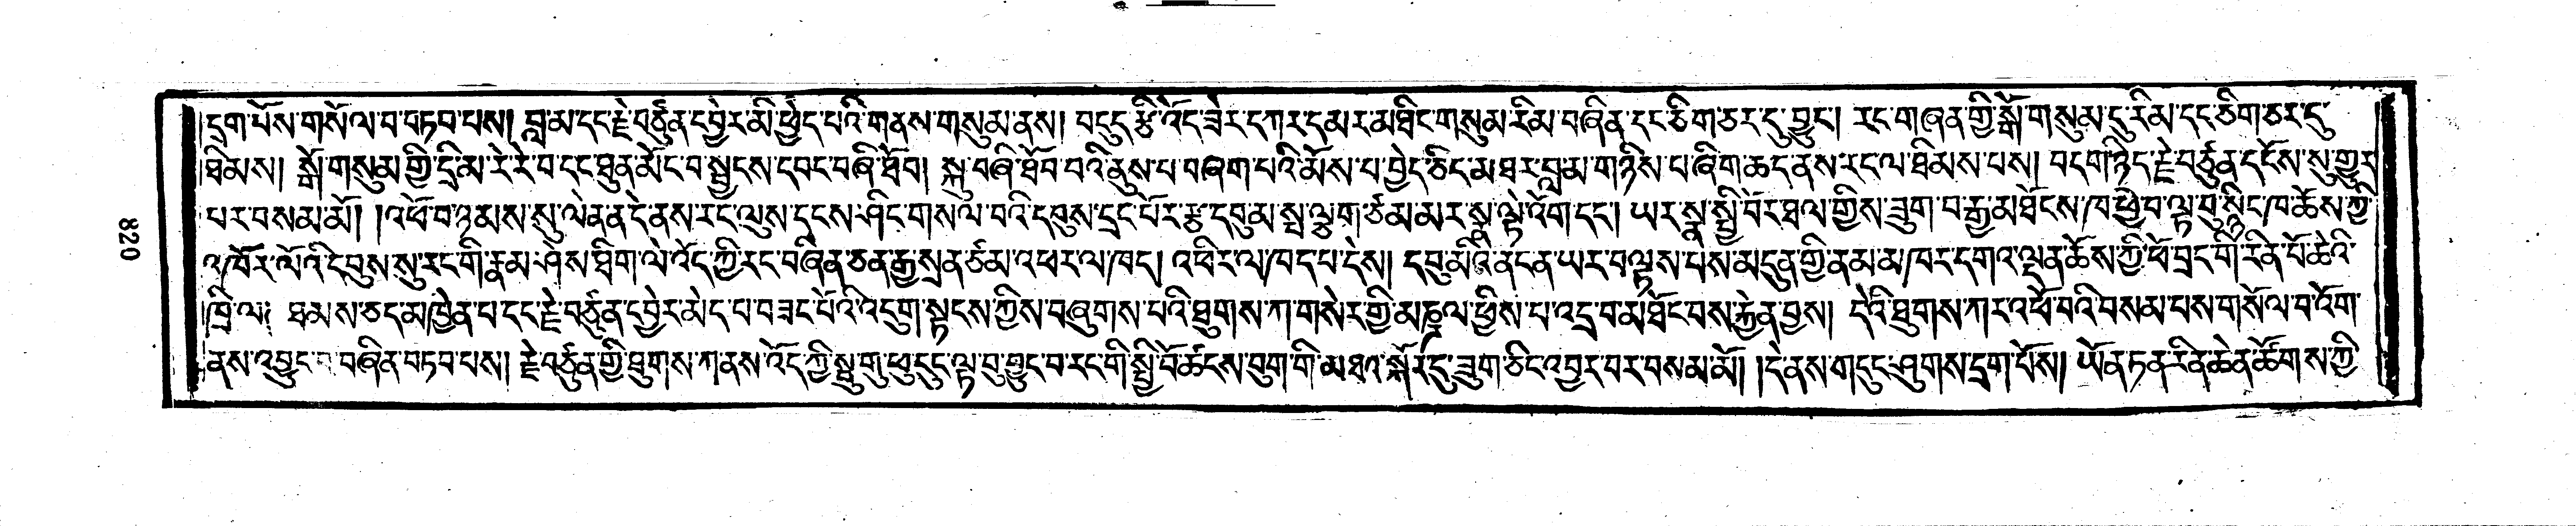དྲག་པོས་གསོལ་བ་བཏབ་པས། བླ་མ་དང་རྗེ་བཙུན་དབྱེར་མི་ཕྱེད་པའི་གནས་གསུམ་ནས། བདུད་རྩི་འོད་ཟེར་དཀར་དམར་མཐིང་གསུམ་རིམ་བཞིན་དང་ཅིག་ཅར་དུ་བྱུང་། རང་གཞན་གྱི་སྒོ་གསུམ་དུ་རིམ་དང་ཅིག་ཅར་དུ་
ཐིམས། སྒོ་གསུམ་གྱི་དྲི་མ་རེ་རེ་བ་དང་ཐུན་མོང་བ་སྦྱངས་དབང་བཞི་ཐོབ། སྐུ་བཞི་ཐོབ་པའི་ནུས་པ་བཞག་པའི་མོས་པ་བྱེད་ཅིང་མཐར་བླ་མ་གཉིས་པ་ཞིག་ཆད་ནས་རང་ལ་ཐིམས་པས། བདག་ཉིད་རྗེ་བཙུན་དངོས་སུ་གྱུར་
པར་བསམ་མོ། །འཕོ་བ་ཉམས་སུ་ལེན་ན་དེ་ནས་རང་ལུས་དངས་ཤིང་གསལ་བའི་དབུས་དྲང་པོར་རྩ་དབུ་མ་སྦ་ལྕག་ཙམ་མར་སྣ་ལྟེ་འོག་དང་། ཡར་སྣ་སྤྱི་བོར་ཐལ་གྱིས་ཟུག་པ་རྒྱ་མཐོངས་ཁ་ཕྱེ་བ་ལྟ་བུ་སྙིང་ཁ་ཆོས་ཀྱི་
འཁོར་ལོའི་དབུས་སུ་རང་གི་རྣམ་ཤེས་ཐིག་ལེ་འོད་ཀྱི་རང་བཞིན་ཅན་རྒྱ་སྲན་ཙམ་འཕར་ལ་ཁང་། འཕིར་ལ་ཁད་པ་དེས། དབུ་མའི་ནང་ན་ཡར་བལྟས་པས་མདུན་གྱི་ནམ་མཁར་དགའ་ལྡན་ཆོས་ཀྱི་ཕོ་བྲང་གི་རིན་པོ་ཆེའི་
ཁྲིལ། ཐམས་ཅད་མཁྱེན་པ་དང་རྗེ་བཙུན་དབྱེར་མེད་པ་བཟང་པོའི་འདུག་སྟངས་ཀྱིས་བཞུགས་པའི་ཐུགས་ཀ་གསེར་གྱི་མཎྜལ་ཕྱིས་པ་འདྲ་བ་མཐོང་བས་རྐྱེན་བྱས། དེའི་ཐུགས་ཀར་འཕོ་བའི་བསམ་པས་གསོལ་བ་འོག་
ནས་འབྱུང་བ་བཞིན་བཏབ་པས། རྗེ་བཙུན་གྱི་ཐུགས་ཀ་ནས་འོད་ཀྱི་སྦུ་གུ་ཕུ་དུང་ལྟ་བུ་བྱུང་བ་རང་གི་སྤྱི་བོ་ཚངས་བུག་གི་མཐའ་སྐོར་དུ་ཟུག་ཅིང་འབྱར་བར་བསམ་མོ། །དེ་ནས་གདུང་ཤུགས་དྲག་པོས། ཡོན་ཏན་རིན་ཆེན་ཚོགས་ཀྱི་